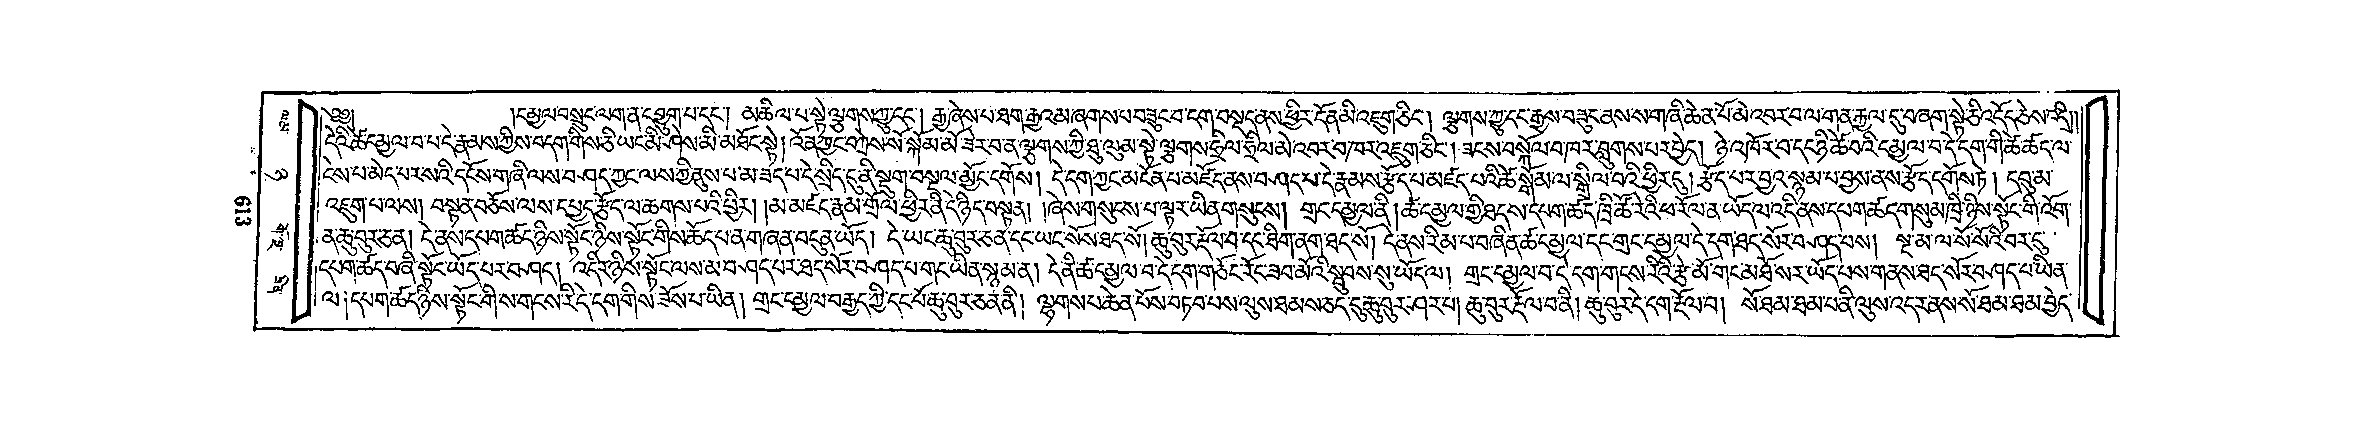༄༅། །དམྱལ་བསྲུང་ལག་ན་དབྱུག་པ་དང་། མཆིལ་པ་སྟེ་ལྕགས་ཀྱུ་དང་། རྒྱ་ཞེས་པ་ཐག་རྒྱའམ་ཞགས་པ་བཟུང་བ་དག་བསྡད་ནས་ཕྱིར་དོན་མི་འཇུག་ཅིང་། ལྕགས་ཀྱུ་དང་རྒྱས་བཟུང་ནས་ས་གཞི་ཆེན་པོ་མེ་འབར་བ་ལ་གན་རྐྱལ་དུ་བཞག་སྟེ་ཅི་འདོད་ཅེས་འདྲི། །
དེའི་ཚེ་དམྱལ་བ་པ་དེ་རྣམས་ཀྱིས་བདག་གིས་ཅི་ཡང་མི་ཤེས་མི་མཐོང་སྟེ། འོན་ཀྱང་བཀྲེས་སོ་སྐོམ་མོ་ཟེར་བ་ན་ལྕགས་ཀྱི་ཐུ་ལུམ་སྟེ་ལྕགས་ཧྲིལ་ཧྲིལ་མེ་འབར་བ་ཁར་འཇུག་ཅིང་། ཟངས་བསྐོལ་བ་ཁར་བླུགས་པར་བྱེད། ཉེ་འཁོར་བ་དང་ཉི་ཚེ་བའི་དམྱལ་བ་དེ་དག་གི་ཚེ་ཚད་ལ་
ངེས་པ་མེད་པར་སའི་དངོས་གཞི་ལས་བཤད་ཀྱང་ལས་ཀྱི་ནུས་པ་མ་ཟད་པ་དེ་སྲིད་དུ་ནི་སྡུག་བསྔལ་མྱོང་དགོས། དེ་དག་ཀྱང་མངོན་པ་མཛོད་ནས་བཤད་པ་དེ་རྣམས་རྩོད་པ་མཛད་པའི་ཚེ་སྒོམ་ལ་སྒྲིལ་བའི་ཕྱིར་དུ། རྩོད་པར་བྱའི་སྙམ་པ་བྱས་ནས་རྩོད་དགོས་ཏེ། དབུ་མ་
འཇུག་པ་ལས། བསྟན་བཅོས་ལས་དཔྱད་རྩོད་ལ་ཆགས་པའི་ཕྱིར། །མ་མཛད་རྣམ་གྲོལ་ཕྱིར་ནི་དེ་ཉིད་བསྟན། །ཞེས་གསུངས་པ་ལྟར་ཡིན་གསུངས། གྲང་དམྱལ་ནི། ཚ་དམྱལ་གྱི་ཐད་ས་དཔག་ཚད་ཁྲི་ཚོ་རེའི་ཕ་རོལ་ན་ཡོད་ལ་འདི་ནས་དཔག་ཚད་གསུམ་ཁྲི་ཉིས་སྟོང་གི་འོག་
ན་ཆུ་བུར་ཅན། དེ་ནས་དཔག་ཚད་ཉིས་སྟོང་ཉིས་སྟོང་གིས་ཆོད་པ་ན་གཞན་བདུན་ཡོད། དེ་ཡང་ཆུ་བུར་ཅན་དང་ཡང་སོས་ཐད་སོ། ཆུ་བུར་རྡོལ་བ་དང་ཐིག་ནག་ཐད་སོ། དེ་ནས་རིམ་པ་བཞིན་ཚ་དམྱལ་དང་གྲང་དམྱལ་དེ་དག་ཐད་སོར་བཤད་པས། སྔ་མ་ལ་སོ་སོའི་བར་དུ་
དཔག་ཚད་བཞི་སྟོང་ཡོད་པར་བཤད། འདིར་ཉིས་སྟོང་ལས་མ་བཤད་པར་ཐད་སོར་བཤད་པ་གང་ཡིན་སྙམ་ན། དེ་ནི་ཚ་དམྱལ་བ་དེ་དག་གཅོང་རོང་ཟབ་མོའི་སྦུབས་སུ་ཡོད་ལ། གྲང་དམྱལ་བ་དེ་དག་གངས་རིའི་རྩེ་མོ་གང་མཐོ་སར་ཡོད་པས་གནས་ཐད་སོར་བཤད་པ་ཡིན་
ལ། དཔག་ཚད་ཉིས་སྟོང་གིས་གངས་རི་དེ་དག་གིས་ཟོས་པ་ཡིན། གྲང་དམྱལ་བརྒྱད་ཀྱི་དང་པོ་ཆུ་བུར་ཅན་ནི། ལྷགས་པ་ཆེན་པོས་བཏབ་པས་ལུས་ཐམས་ཅད་དུ་ཆུ་བུར་ཤར་པ། ཆུ་བུར་རྡོལ་བ་ནི། ཆུ་བུར་དེ་དག་རྡོལ་བ། སོ་ཐམ་ཐམ་པ་ནི་ལུས་འདར་ནས་སོ་ཐམ་ཐམ་བྱེད་